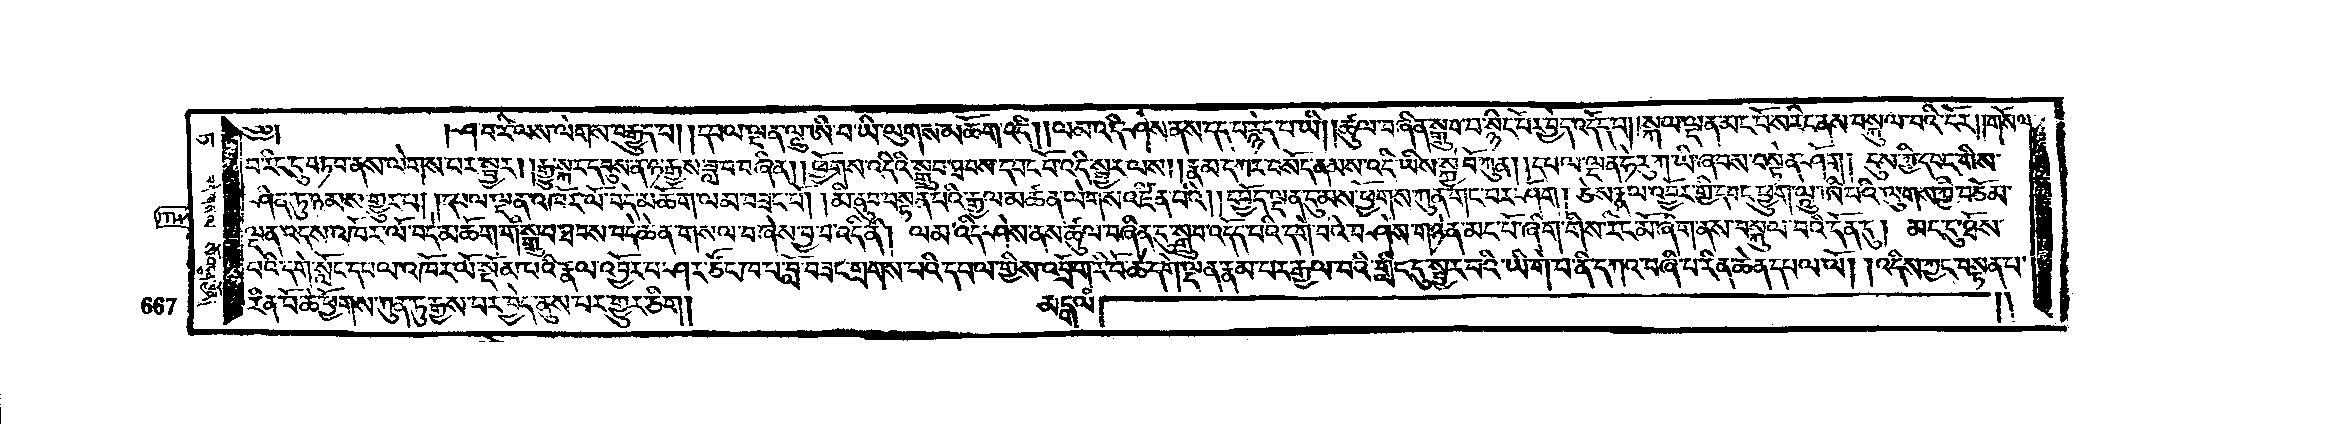༄༅། །ཤ་བ་རི་ལས་ལེགས་བརྒྱུད་པ། །དཔལ་ལྡན་ལཱུ་ཨི་པ་ཡི་ལུགས་མཆོག་འདི། །ལམ་འདི་ཤེས་ནས་དད་པ་རྙེད་པ་ཡི། །ཚུལ་བཞིན་སྒྲུབ་པ་སྙིང་པོར་བྱེད་འདོད་པ། །སྐལ་ལྡན་མང་པོས་རིང་ནས་བསྐུལ་བའི་ངོར། །གསོལ་
བ་རིང་དུ་བཏབ་ནས་ལེགས་པར་སྦྱར། །རྒྱུ་སྐར་དབུས་ན་ཉ་རྒྱས་ཟླ་བ་བཞིན། །ཕྱོགས་འདིའི་སྒྲུབ་ཐབས་དབང་པོ་འདི་སྦྱར་ལས། །རྣམ་དཀར་བསོད་ནམས་འདི་ཡིས་སྐྱེ་བོ་ཀུན། །དཔལ་ལྡན་ཧེ་རུ་ཀ་ཡི་ཞབས་བསྟེན་ཤོག །དུས་ཀྱི་དབང་གིས་
ཤིན་ཏུ་ཉམས་གྱུར་པ། །དཔལ་ལྡན་འཁོར་ལོ་བདེ་མཆོག་ལམ་བཟང་པོ། །མི་ནུབ་བསྟན་པའི་རྒྱལ་མཚན་ལེགས་འཛིན་པའི། །དཔྱོད་ལྡན་དུ་མས་ཕྱོགས་ཀུན་གང་བར་ཤོག །ཅེས་རྣལ་འབྱོར་གྱི་དབང་ཕྱུག་ལཱུ་ཨི་པའི་ལུགས་ཀྱི་བཅོམ་
ལྡན་འདས་འཁོར་ལོ་བདེ་མཆོག་གི་སྒྲུབ་ཐབས་བདེ་ཆེན་གསལ་བ་ཞེས་བྱ་བ་འདི་ནི། ལམ་འདི་ཤེས་ནས་ཚུལ་བཞིན་དུ་སྒྲུབ་འདོད་པའི་དགེ་བའི་བཤེས་གཉེན་མང་པོ་ཞིག་གིས་རིང་མོ་ཞིག་ནས་བསྐུལ་བའི་དོན་དུ། མང་དུ་ཐོས་
པའི་དགེ་སློང་དཔལ་འཁོར་ལོ་སྡོམ་པའི་རྣལ་འབྱོར་པ་ཤར་ཙོང་ཁ་པ་བློ་བཟང་གྲགས་པའི་དཔལ་གྱིས་འབྲོག་རི་བོ་ཆེ་དགེ་ལྡན་རྣམ་པར་རྒྱལ་བའི་གླིང་དུ་སྦྱར་བའི་ཡི་གེ་པ་ནི་དཀའ་བཞི་པ་རིན་ཆེན་དཔལ་ལོ། །འདིས་ཀྱང་བསྟན་པ་
རིན་པོ་ཆེ་ཕྱོགས་ཀུན་ཏུ་རྒྱས་པར་བྱེད་ནུས་པར་གྱུར་ཅིག་མངྒལཾ།།